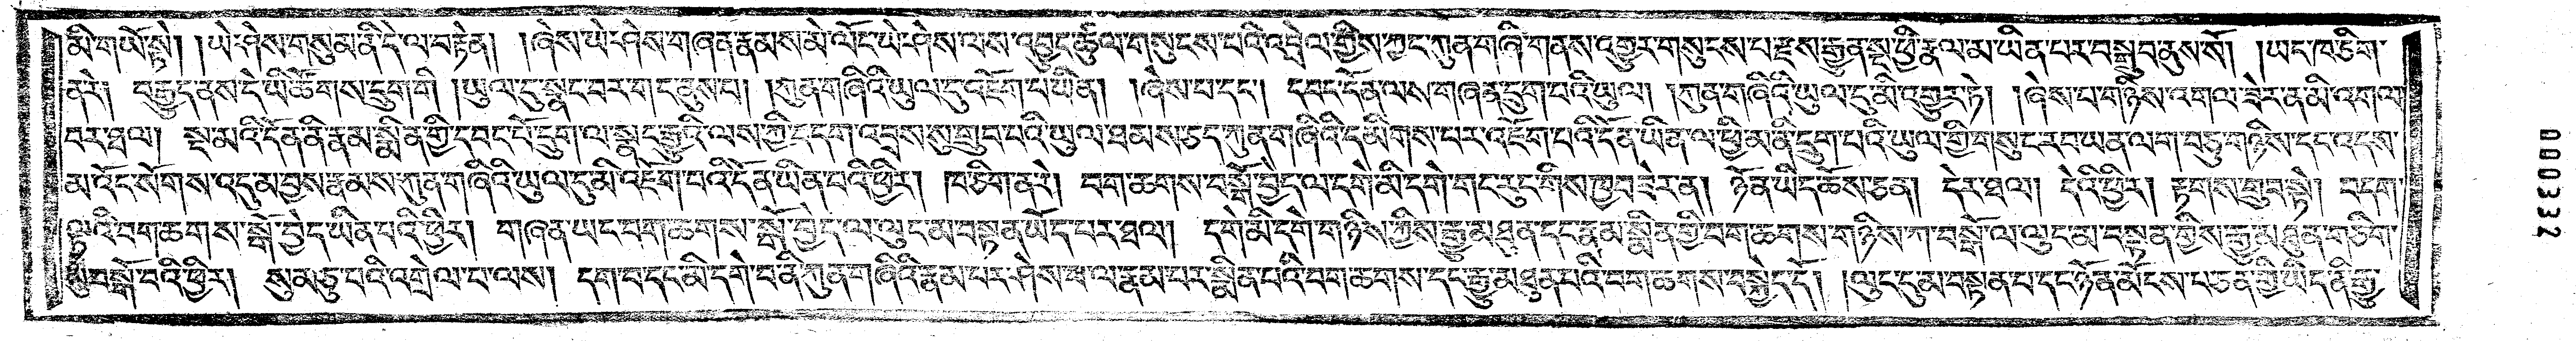མི་གཡོ་སྟེ། །ཡེ་ཤེས་གསུམ་ནི་དེ་ལ་བརྟེན། །ཞེས་ཡེ་ཤེས་གཞན་རྣམས་མེ་ལོང་ཡེ་ཤེས་ལས་འབྱུང་ཚུལ་གསུངས་པའི་འབྲེལ་གྱིས་ཀྱང་ཀུན་གཞི་གནས་འགྱུར་གསུངས་པ་རྫས་རྒྱུན་སྔ་ཕྱི་རྣལ་མ་ཡིན་པར་བསྒྲུབ་ནུས་སོ། །ཡང་ཁ་ཅིག་
ན་རེ། བརྒྱུད་ནས་དེ་ཡི་ཚོགས་དྲུག་གི །ཡུལ་དུ་སྣང་བར་གང་ནུས་པ། །ཀུན་གཞིའི་ཡུལ་དུ་འཇོག་པ་ཡིན། །ཞེས་པ་དང་། དབང་དོན་ལས་གཞན་དྲུག་པའི་ཡུལ། །ཀུན་གཞིའི་ཡུལ་དུ་མི་འགྱུར་ཏེ། །ཞེས་པ་གཉིས་འགལ་ཟེར་ན་མི་འགལ་
བར་ཐལ། སྔ་མའི་དོན་ནི་རྣམ་སྨིན་གྱི་དབང་པོ་དྲུག་ལ་སྣང་རྒྱུའི་ལས་ཀྱི་བདག་འབྲས་བུ་གྲུབ་པའི་ཡུལ་ཐམས་ཅད་ཀུན་གཞིའི་དམིགས་པར་འཇོག་པའི་དོན་ཡིན་ལ་ཕྱི་མ་ནི་དྲུག་པའི་ཡུལ་གྱི་གསུང་རབ་ཡན་ལག་བཅུ་གཉིས་དང་འདས་
མ་འོང་སོགས་འདུ་མ་བྱས་རྣམས་ཀུན་གཞིའི་ཡུལ་དུ་མི་འཇོག་པའི་དོན་ཡིན་པའི་ཕྱིར། ཁ་ཅིག་ན་རེ། བག་ཆགས་བསྒོ་བྱེད་ལ་དགེ་མི་དགེ་གང་རུང་གིས་ཁྱབ་ཟེར་ན། ཉོན་ཡིད་ཆོས་ཅན། དེར་ཐལ། དེའི་ཕྱིར། རྟགས་གྲུབ་སྟེ། བདག་
ལྟའི་བག་ཆགས་སྒོ་བྱེད་ཡིན་པའི་ཕྱིར། གཞན་ཡང་བག་ཆགས་སྒོ་བྱེད་ལ་ལུང་མ་བསྟན་ཡོད་པར་ཐལ། དགེ་མི་དགེ་གཉིས་ཀྱིས་རྒྱུ་མཐུན་དང་རྣམ་སྨིན་གྱི་བག་ཆགས་གཉིས་ཀ་བསྒོ་ལ་ལུང་མ་བསྟན་གྱིས་རྒྱུ་མཐུན་གཅིག་
བུ་བསྒོ་བའི་ཕྱིར། སུམ་ཅུ་བའི་འགྲེལ་པ་ལས། དགེ་བ་དང་མི་དགེ་བ་ནི་ཀུན་གཞིའི་རྣམ་པར་ཤེས་པ་ལ་རྣམ་པར་སྨིན་པའི་བག་ཆགས་དང་རྒྱུ་མཐུན་པའི་བག་ཆགས་བསྐྱེད་དོ། །ལུང་དུ་མ་བསྟན་པ་དང་ཉོན་མོངས་པ་ཅན་གྱི་ཡིད་ནི་རྒྱུ་